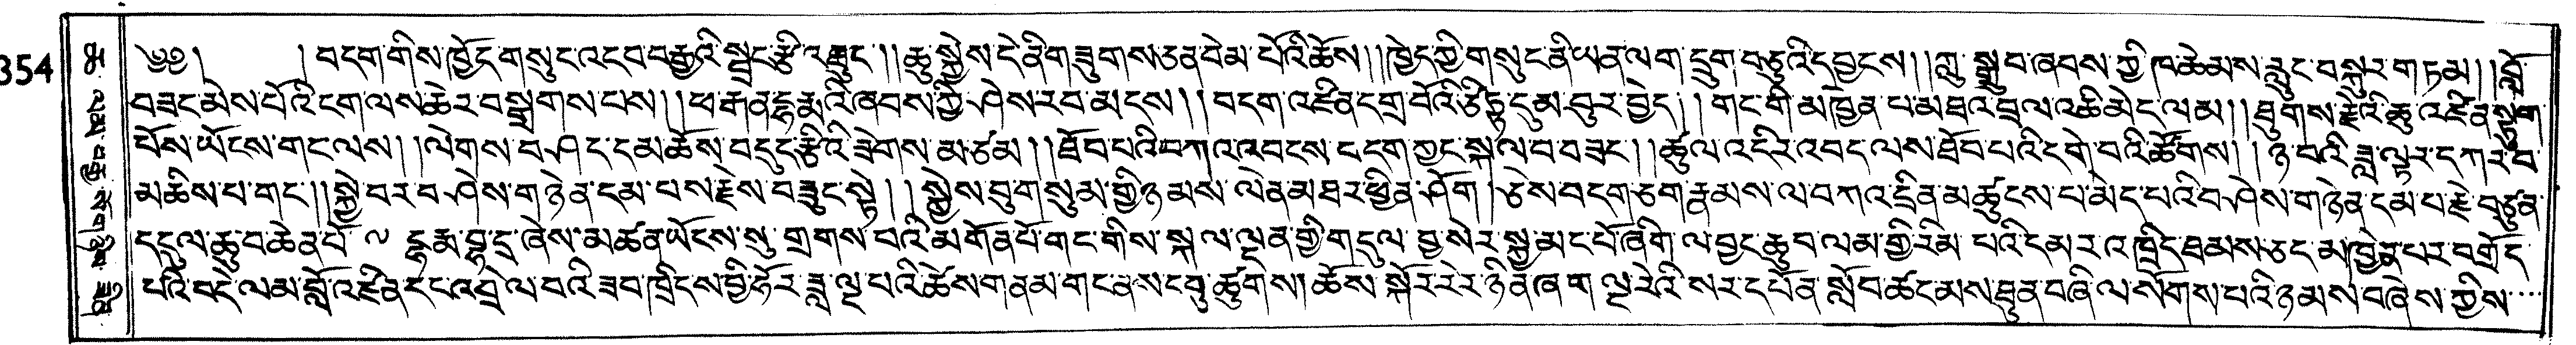༄༅། །བདག་གིས་ཁྱོད་གསུང་འདབ་བརྒྱའི་སྦྲང་རྩི་འཐུང་། །ཆུ་སྐྱེས་དེ་ནི་གཟུགས་ཅན་བེམ་པོའི་ཆོས། །ཁྱེད་ཀྱི་གསུང་ནི་ཡན་ལག་དྲུག་བཅུའི་དབྱངས། །ཀླུ་སྒྲུབ་ཞབས་ཀྱི་ཁ་ཆེམས་རླུང་བསྐུར་གཏམ། །བློ་
བཟང་མེས་པོའི་ངག་ལས་ཆེར་བསྒྲགས་པས། །ཕ་རྒན་དྷ་རྨའི་ཞབས་ཀྱི་ཤེས་རབ་མདས། །བདག་འཛིན་དགྲ་བོའི་ཙི་ཏྟ་དུམ་བུར་བྱེད། །གང་གི་མཁྱེན་པ་མཐའ་བྲལ་འཆི་མེད་ལམ། །ཐུགས་རྗེའི་ཆུ་འཛིན་སྟུག་
པོས་ཡོངས་གང་ལས། །ལེགས་བཤད་དམ་ཆོས་བདུད་རྩིའི་ཟེགས་མ་ཙམ། །ཐོབ་པའི་བཀའ་འབངས་བདག་ཀྱང་སྐལ་བ་བཟང་། །ཚུལ་འདིར་འབད་ལས་ཐོབ་པའི་དགེ་བའི་ཚོགས། །ཉ་བའི་ཟླ་ལྟར་དཀར་བ་
མཆིས་པ་གང་། །སྐྱེ་བར་བཤེས་གཉེན་དམ་པས་རྗེས་བཟུང་སྟེ། །སྐྱེས་བུ་གསུམ་གྱི་ཉམས་ལེན་མཐར་ཕྱིན་ཤོག །ཅེས་བདག་ཅག་རྣམས་ལ་བཀའ་དྲིན་མཚུངས་པ་མེད་པའི་བཤེས་གཉེན་དམ་པ་རྗེ་བཙུན་
དངུལ་ཆུ་བ་ཆེན་པོ་?་དྷ་རྨ་བྷ་དྲ་ཞེས་མཚན་ཡོངས་སུ་གྲགས་པའི་མགོན་པོ་གང་གིས་སྐལ་ལྡན་གྱི་གདུལ་བྱ་སེར་སྐྱ་མང་པོ་ཞིག་ལ་བྱང་ཆུབ་ལམ་གྱི་རིམ་པའི་དམར་འཁྲིད་ཐམས་ཅད་མཁྱེན་པར་བགྲོད་
པའི་བདེ་ལམ་བློ་འཛིན་དང་འབྲེལ་བའི་ཟབ་ཁྲིད་ས་བྱི་ཧོར་ཟླ་ལྔ་པའི་ཚེས་གནམ་གང་ནས་དབུ་ཚུགས། ཆོས་སྐོར་རེར་ཉིན་ཞག་ལྔ་རེའི་སར་དཔོན་སློབ་ཚང་མས་ཐུན་བཞི་ལ་སོགས་པའི་ཉམས་བཞེས་ཀྱིས་